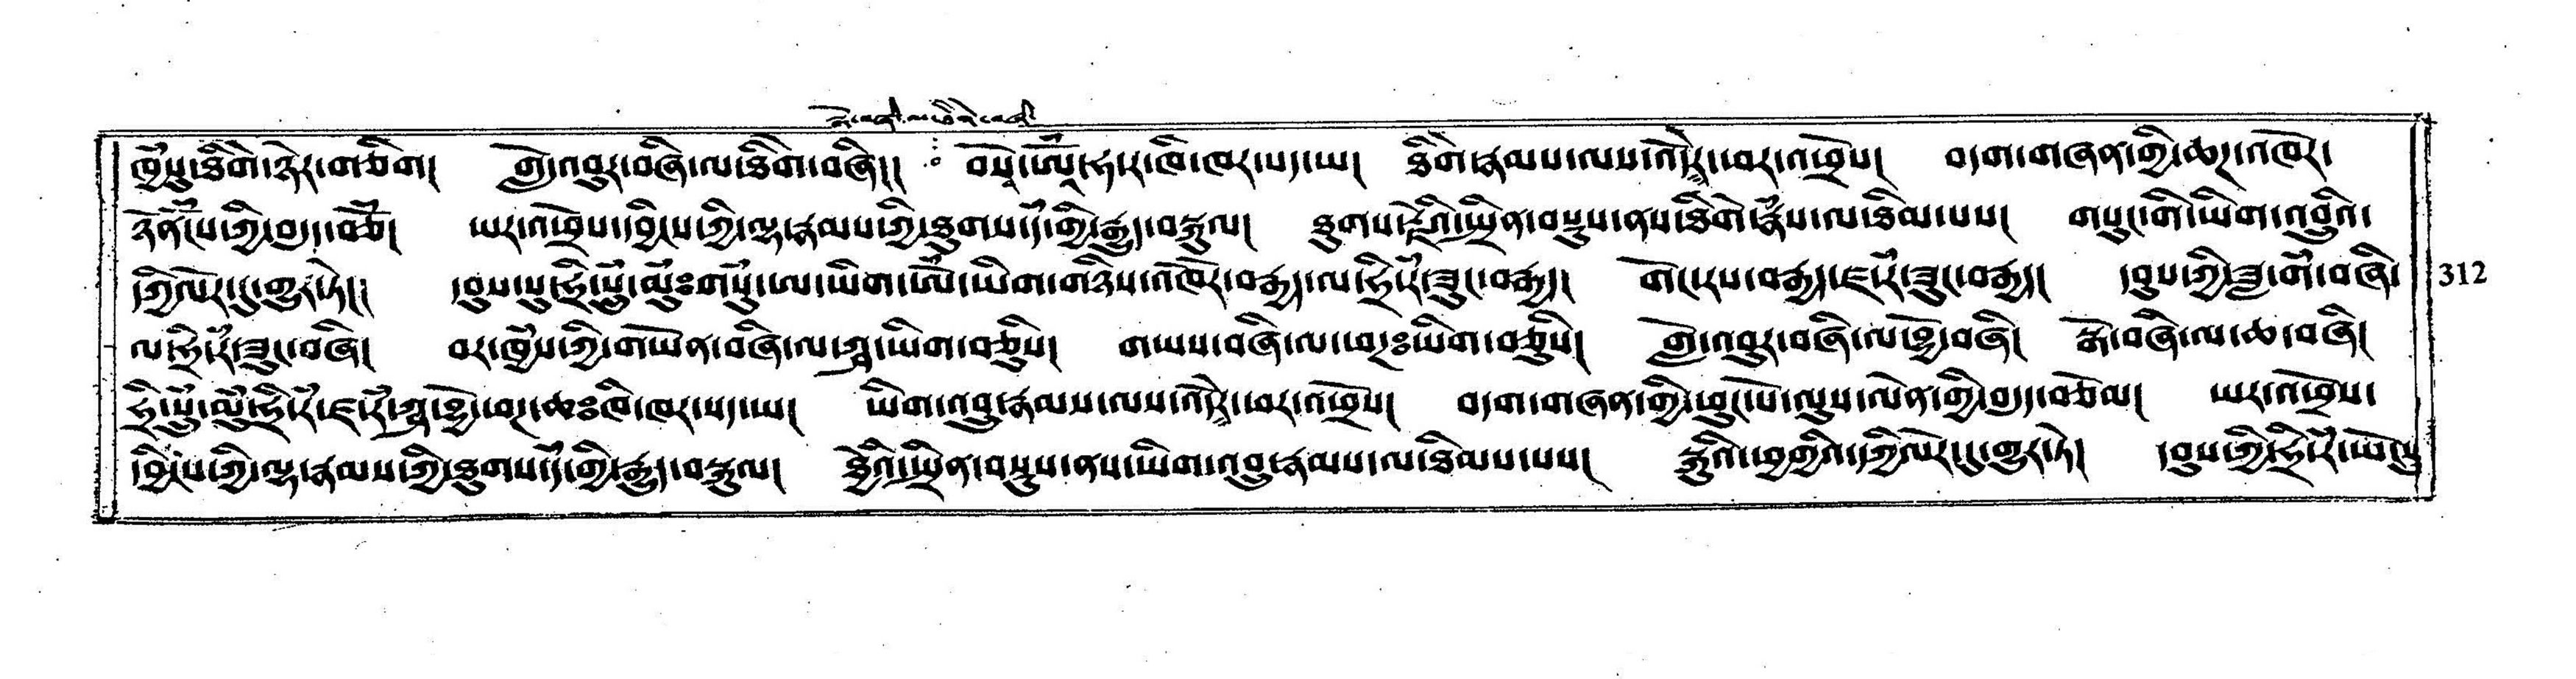ཁྱམས་སུ་ཐིག་ལེ་ཉེར་གཅིག། གློ་འབུར་བཞི་ལ་ཐིག་ལེ་བཞི།། སྒོ་བཞི་ལ་ཐིག་ལེ་བཞི། བསྭོ་ཨཱོཾ་ཧ་ར་ཁི་ཁར་སད་ཡ། ཐིག་ལེ་རྣམས་ལས་འོད་ཟེར་ཕར་འཕྲོས། བདག་གཞན་གྱི་ཆགས་འཁོར་
ཉོན་མོངས་ཀྱི་བདུད་བཅོམ། ཡར་འཕྲོས་དབྱིངས་ཀྱི་ལྷ་རྣམས་ཀྱི་ཐུགས་དམ་གྱི་རྒྱུད་བསྐུལ། ཐུགས་རྗེའི་སྤྲིན་བསྡུས་ནས་ཐིག་ལེ་རྣམས་ལ་ཐིམ་པས། གསུང་གི་ཡིག་འབྲུའི་
དཀྱིལ་འཁོར་དུ་གྱུར་ཏེ།། དབུས་སུ་ཧྲི་སྲུཾ་མུཾཿགསུམ་ཨ་ཡིག་ཨོཾ་ཡིག་གཉིས་འཁོར་ལོ་བརྒྱད་ལ་ཧྲི་རཾ་ཟུང་བརྒྱད། གོང་རས་བརྒྱད་ཛ་རཾ་ཟུང་བརྒྱད། དབུས་ཀྱི་ཟླ་གམ་བཞི་
ལ་ཧྲི་རཾ་ཟུང་བཞི། བར་ཁྱམས་ཀྱི་གཡོན་བཞི་ལ་ཀྴ་ཡིག་བཅུ་གཉིས། གཡས་བཞི་ལ་ཕཊཿཡིག་བཅུ་གཉིས། གློ་འབུར་བཞི་ལ་བྷྱོ་བཞི། སྒོ་བཞི་ལ་ཆ་བཞི། 
ཧྲི་སྲུཾ་མུཾ་ཧྲི་རཾ་ཛ་རཾ་ཀྴ་བྷྱོ་ཕཊ་ཆཿཁི་ཁར་སད་ཡ། ཡིག་འབྲུ་རྣམས་ལས་འོད་ཟེར་ཕར་འཕྲོས། བདག་གཞན་གྱི་ཕུང་པོ་ལུས་ལེན་གྱི་བདུད་བཅོམ། ཡར་འཕྲོས་
དབྱིངས་ཀྱི་ལྷ་རྣམས་ཀྱི་ཐུགས་དམ་གྱི་རྒྱུད་བསྐུལ། ཐུགས་རྗེའི་སྤྲིན་བསྡུས་ནས་ཡིག་འབྲུ་རྣམས་ལ་ཐིམ་པས། སྐུའི་ཕྱག་རྒྱའི་དཀྱིལ་འཁོར་དུ་གྱུར་ཏེ། དབུས་ཀྱི་ཧྲི་རཾ་ཡོངས་སུ་